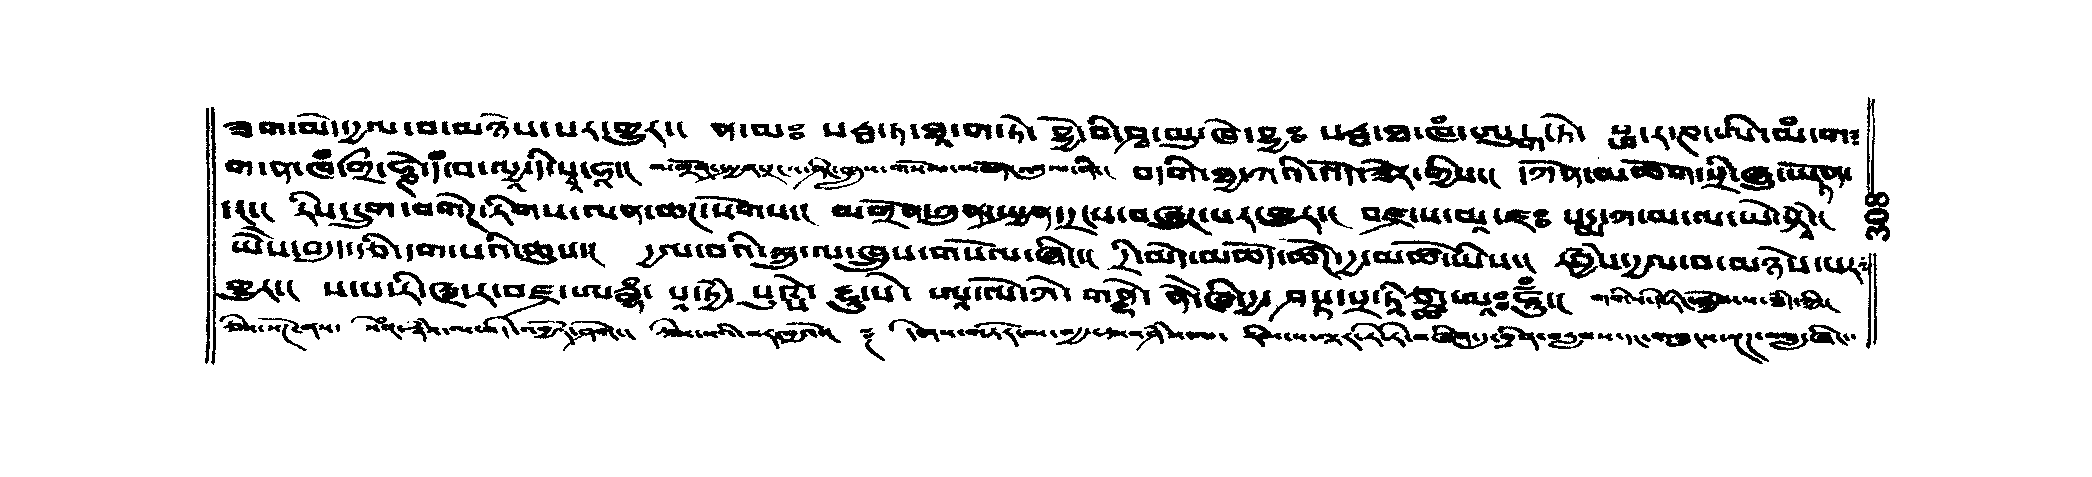ཟག་མེད་རྒྱལ་བ་མཉེས་པར་གྱུར། །ན་མཿ སརྦ་ཏ་ཐཱ་ག་ཏེ་བྷྱོ་བི་ཤྭ་མུ་ཁེ་བྷྱཿསརྦ་ཐ་ཁཾ་ཨུདྒ་ཏེ། སྥ་ར་ཎ་ཨི་མཾ་ག་
ག་ན་ཁཾ་གྲྀ་ཧྞེ་དཾ་བ་ལྱཱི་དི་སྭཱ་ཧཱ། མགྲོན་སྤྱན་དྲངས་ཤིང་ཁྲུས་གསོལ་མཆོད་འབུལ་ནི། བདག་ཉིད་ཐུགས་ཀའི་འོད་ཟེར་གྱིས། །དཀོན་མཆོག་སྲི་ཞུ་ཡོན་ཏན་
དང་། །རིས་དྲུག་བགེགས་རིགས་ལན་ཆགས་སོགས། །མགྲོན་ཀུན་སྤྱན་དྲངས་བཞུགས་པར་གྱུར། བཛྲ་ས་མཱ་ཛཿ པདྨ་ཀ་མ་ལ་ཡེ་སྟྭཾ། 
ཡེ་ཤེས་བདུད་རྩི་དག་པའི་ཆུས། །རྒྱལ་བའི་སྐུ་ལ་ཁྲུས་གསོལ་ཞིང་། །དྲི་མེད་མཆོད་ཚོགས་རྒྱ་མཚོ་ཡིས། །རབ་འབྱམས་རྒྱལ་བ་མཉེས་པར་
གྱུར། །ས་པ་རི་ཝ་ར་བཛྲ་ཨརྒྷཾ། པཱདྱཾ། པུཥྤེ། དྷུ་པེ། ཨཱ་ལོ་ཀེ། གནྡྷེ། ནཻ་ཝི་དྱ། ཤཔྟ་པྲ་ཏཱི་ཙྪ་ཨཱཿཧཱུྃ། བདག་གིས་དེ་རིང་སྐྱོབས་པ་ཐམས་ཅད་ཀྱི། །
ཅེས་སོགས་ནས། སེམས་ཅན་རྣམས་ལ་བདེ་འབྱོར་ཤོག་་ཅེས་པའི་བར་བྱའོ། ༈ དེ་ནས་གཏོར་མ་བརྒྱ་རྩ་བཤམས་ལ། རིམ་པ་ལྟར་རེ་རེ་བཞིན་དུ་བྱིན་བརླབ་དང་གཟུངས་སྔགས་བཟླ་ཞིང་